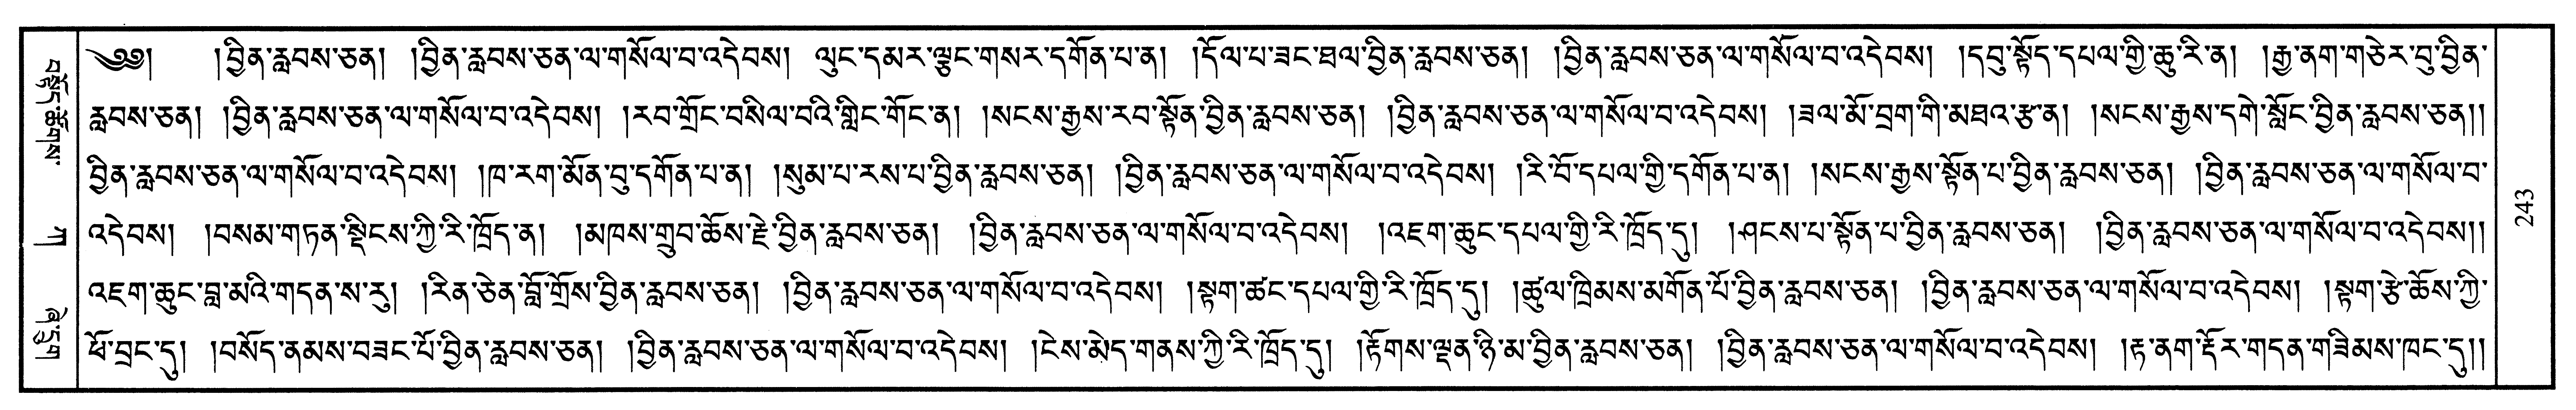༄༅། །བྱིན་རླབས་ཅན། །བྱིན་རླབས་ཅན་ལ་གསོལ་བ་འདེབས། ལུང་དམར་ལྕང་གསར་དགོན་པ་ན། །དོལ་པ་ཟང་ཐལ་བྱིན་རླབས་ཅན། །བྱིན་རླབས་ཅན་ལ་གསོལ་བ་འདེབས། །དབུ་སྟོད་དཔལ་གྱི་ཆུ་རི་ན། །རྒྱ་ནག་གཅེར་བུ་བྱིན་
རླབས་ཅན། །བྱིན་རླབས་ཅན་ལ་གསོལ་བ་འདེབས། །རབ་གྲོང་བསིལ་བའི་གླིང་གོང་ན། །སངས་རྒྱས་རབ་སྟོན་བྱིན་རླབས་ཅན། །བྱིན་རླབས་ཅན་ལ་གསོལ་བ་འདེབས། །ཟལ་མོ་བྲག་གི་མཐའ་རྩ་ན། །སངས་རྒྱས་དགེ་སློང་བྱིན་རླབས་ཅན། །
བྱིན་རླབས་ཅན་ལ་གསོལ་བ་འདེབས། །ཁ་རག་མོན་བུ་དགོན་པ་ན། །སུམ་པ་རས་པ་བྱིན་རླབས་ཅན། །བྱིན་རླབས་ཅན་ལ་གསོལ་བ་འདེབས། །རི་བོ་དཔལ་གྱི་དགོན་པ་ན། །སངས་རྒྱས་སྟོན་པ་བྱིན་རླབས་ཅན། །བྱིན་རླབས་ཅན་ལ་གསོལ་བ་
འདེབས། །བསམ་གཏན་སྡིངས་ཀྱི་རི་ཁྲོད་ན། །མཁས་གྲུབ་ཆོས་རྗེ་བྱིན་རླབས་ཅན། །བྱིན་རླབས་ཅན་ལ་གསོལ་བ་འདེབས། །འཇག་ཆུང་དཔལ་གྱི་རི་ཁྲོད་དུ། །ཤངས་པ་སྟོན་པ་བྱིན་རླབས་ཅན། །བྱིན་རླབས་ཅན་ལ་གསོལ་བ་འདེབས། །
འཇག་ཆུང་བླ་མའི་གདན་ས་རུ། །རིན་ཅེན་བློ་གྲོས་བྱིན་རླབས་ཅན། །བྱིན་རླབས་ཅན་ལ་གསོལ་བ་འདེབས། །སྟག་ཚང་དཔལ་གྱི་རི་ཁྲོད་དུ། །ཚུལ་ཁྲིམས་མགོན་པོ་བྱིན་རླབས་ཅན། །བྱིན་རླབས་ཅན་ལ་གསོལ་བ་འདེབས། །སྟག་རྩེ་ཆོས་ཀྱི་
ཕོ་བྲང་དུ། །བསོད་ནམས་བཟང་པོ་བྱིན་རླབས་ཅན། །བྱིན་རླབས་ཅན་ལ་གསོལ་བ་འདེབས། །ངེས་མེད་གནས་ཀྱི་རི་ཁྲོད་དུ། །རྟོགས་ལྡན་ཉི་མ་བྱིན་རླབས་ཅན། །བྱིན་རླབས་ཅན་ལ་གསོལ་བ་འདེབས། །རྟ་ནག་རྡོར་གདན་གཟིམས་ཁང་དུ། །